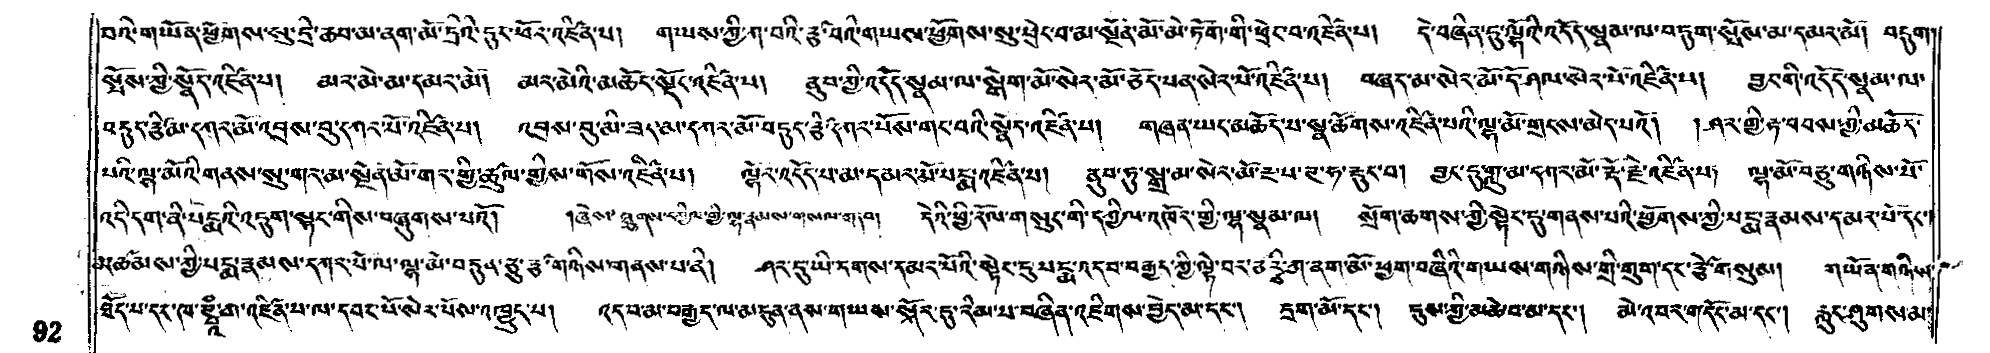བའི་གཡོན་ཕྱོགས་སུ་དྲི་ཆབ་མ་ནག་མོ་དྲིའི་དུར་ཕོར་འཛིན་པ། གཡས་ཀྱི་ཀ་བའི་རྩ་བའི་གཡས་ཕྱོགས་སུ་ཕྲེང་བ་མ་སྔོན་མོ་མེ་ཏོག་གི་ཕྲེང་བ་འཛིན་པ། དེ་བཞིན་དུ་ལྷོའི་འདོད་སྣམ་ལ་བདུག་སྤོས་མ་དམར་མོ། བདུག་
སྤོས་ཀྱི་སྣོད་འཛིན་པ། མར་མེ་མ་དམར་མོ། མར་མེའི་མཆོད་སྡོང་འཛིན་པ། ནུབ་ཀྱི་འདོད་སྣམ་ལ་སྒེག་མོ་སེར་མོ་ཅོད་པན་སེར་པོ་འཛིན་པ། བཞད་མ་སེར་མོ་དོ་ཤལ་སེར་པོ་འཛིན་པ། བྱང་གི་འདོད་སྣམ་ལ་
བདུད་རྩི་མ་དཀར་མོ་འབྲས་བུ་དཀར་པོ་འཛིན་པ། འབྲས་བུ་མི་ཟད་མ་དཀར་མོ་བདུད་རྩི་དཀར་པོས་གང་བའི་སྣོད་འཛིན་པ། གཞན་ཡང་མཆོད་པ་སྣ་ཚོགས་འཛིན་པའི་ལྷ་མོ་གྲངས་མེད་པའོ། །ཤར་གྱི་རྩ་བབས་ཀྱི་མཆོད་
པའི་ལྷ་མོའི་གནས་སུ་གར་མ་སྔོན་མོ་གར་གྱི་ཚུལ་གྱིས་གོས་འཛིན་པ། ལྷོར་འདོད་པ་མ་དམར་མོ་པདམ་འཛིན་པ། ནུབ་ཏུ་སྒྲ་མ་སེར་མོ་རྔ་པ་ཊ་ཧ་རྡུང་བ། བྱང་དུ་གླུ་མ་དཀར་མོ་རྡོ་རྗེ་འཛིན་པ། ལྷ་མོ་བཅུ་གཉིས་པོ་
འདི་དག་ནི་པདམའི་འདུག་སྟང་གིས་བཞུགས་པའོ། །ཞེས་ཐུགས་དཀྱིལ་གྱི་ལྷ་རྣམས་གསལ་གདབ།  དེའི་ཕྱི་རོལ་གསུང་གི་དཀྱིལ་འཁོར་གྱི་ལྷ་སྣམ་ལ། སྲོག་ཆགས་ཀྱི་སྟེང་དུ་གནས་པའི་ཕྱོགས་ཀྱི་པདམ་རྣམས་དམར་པོ་དང་།
མཚམས་ཀྱི་པདམ་རྣམས་དཀར་པོ་ལ་ལྷ་མོ་བདུན་ཅུ་རྩ་གཉིས་གནས་པ་ནི། ཤར་དུ་ཡི་དགས་དམར་པོའི་སྟེང་དུ་པདམ་འདབ་བརྒྱད་ཀྱི་ལྟེ་བར་ཅ་རི་ཙ་ཀ་ནག་མོ་ཕྱག་བཞིའི་གཡས་གཉིས་གྲི་གུག་དང་རྩེ་གསུམ། གཡོན་གཉིས་
ཐོད་པ་དང་ཁ་ཊྭཱཾ་ག་འཛིན་པ་ལ་དབང་པོ་སེར་པོས་འཁྱུད་པ། འདབ་མ་བརྒྱད་ལ་མདུན་ནས་གཡས་སྐོར་དུ་རིམ་པ་བཞིན་འཇིགས་བྱེད་མ་དང་། དྲག་མོ་དང་། དུས་ཀྱི་མཆེ་བ་མ་དང་། མེ་འབར་གདོང་མ་དང་། རླུང་ཤུགས་མ་